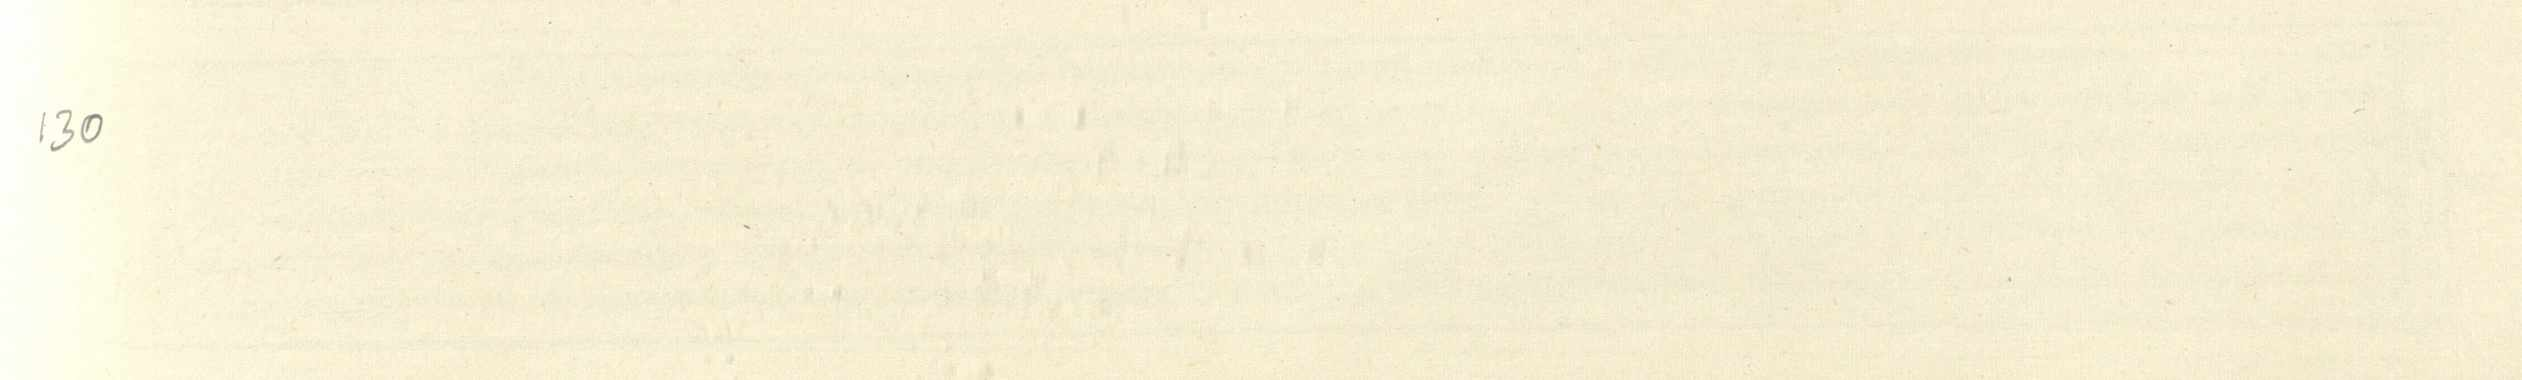མཚན་ཉིད་ཀྱི་གཞུང་མང་པོ་བཟུང་། བདག་གི་བླ་མ་མཚན་ཉིད་ལ་མཁས་བས་གསུང་བཤད་ལ་བརྟེན་ནས་ཅུང་ཟད་གོ་བ་ཡིན་གསུང་། དེ་ལྟར་གསུང་འབྲོས་ཞིབ་པར་གནང་ཞིང་། ཁྱོད་ངའི་བླ་མ་དཀོན་མཆོག་རྒྱ་མཚོའི་སྐྱེ་བ་ཡིན་པར་འདུག་ཅེས་ངོས་
འཛིན་མཛད། རྗེ་འདི་ལའང་སྔར་ཆུང་ངུའི་སྐབས་སུ་ལྷ་ཐོ་སྦེན་ཁ་ཅན་ཡོད་པའི་དགོན་པ་ཞིག་ཉམས་སྣང་ལ་ཡང་ཡང་ཤར་བ། སྲད་རྒྱུད་ཇི་ལྟ་བ་བཞིན་འདུག་པས་རྒྱུད་ཆེན་གྱི་གསུང་དང་རྨི་ལམ་གཉིས་མཐུན་པར་དགོངས། དེ་ཡང་རྒྱུད་ཆེན་འདི་མཁྱེན་
རབ་ཀྱི་ཀློང་ཤིན་ཏུ་ཡངས་པས་གསུང་རབ་སྤྱི་དང་། ཁྱད་པར་ཟབ་མོ་རྡོ་རྗེ་ཐེག་པའི་ཆོས་ཚུལ་ཀུན་ལ་ཐོགས་པ་མེད་པའི་རྣམ་དཔྱོད་ཀྱི་པདམོ་ཁ་ཕྱེ་བ། ཡི་དམ་གྱི་ལྷ་དུ་མས་རྗེས་སུ་བཟུང་ཞིང་དམ་ཅན་རྒྱ་མཚོའི་ཚོགས་བྲན་དུ་བཀོལ་བའི་མཐུ་སྟོབས་ནུས་
པའི་དབང་ཕྱུག་ཏུ་གྱུར་ཅིང་། བརྒྱུད་པ་དམ་པ་བར་མ་ཆད་པའི་མན་ངག་ལྷའི་བདུད་རྩིས་ཐུགས་ཀྱི་བུམ་བཟང་ཡོངས་སུ་གང་བས་དགེ་ལྡན་སྙན་བརྒྱུད་ཀྱི་ཟབ་ཆོས་འཆད་པ་ལ་འགྲན་ཟླ་དང་བྲལ་བ་ཞིག་སྟེ། སྤྲུལ་སྐུ་གྲགས་པ་རྒྱལ་མཚན་པའི་མ་འོངས་
ལུང་བསྟན་ལས། ལྷོ་ནུབ་ཕྱོགས་ནས་གསེར་གྱི་རི་དབང་གིས། །ཟབ་རྒྱས་ཆོས་ཀྱི་འོ་མཚོ་ལན་གཅིག་བསྲུབས། །བཀའ་གདམས་བསྟན་པའི་མར་གྱི་ཉིད་ཁུ་འདོན། །དེ་ཡང་སྣང་བ་མཐའ་ཡས་སྤྲུལ་པའོ། །དེ་ཚེ་རིན་ཆེན་དོ་ཤལ་སྤེལ་
གྱུར་ཀྱང་། །རྒྱན་དུ་ལེན་པའི་སྐལ་བཟང་ཤིན་ཏུ་དཀོན། །ཞེས་ལུང་བསྟན་པ་ལྟར་རོ། །དེའི་དོན་ཡང་ཚིག་རྐང་དང་པོ་བཞིས་རྒྱུད་ཆེན་རིན་པོ་ཆེ་ཟབ་རྒྱས་སྙན་རྒྱུད་ཀྱི་བདག་པོར་འགྱུར་ཚུལ་དང་། སྣང་བ་མཐའ་ཡས་ཀྱི་སྤྲུལ་བར་བསྟན། རྐང་